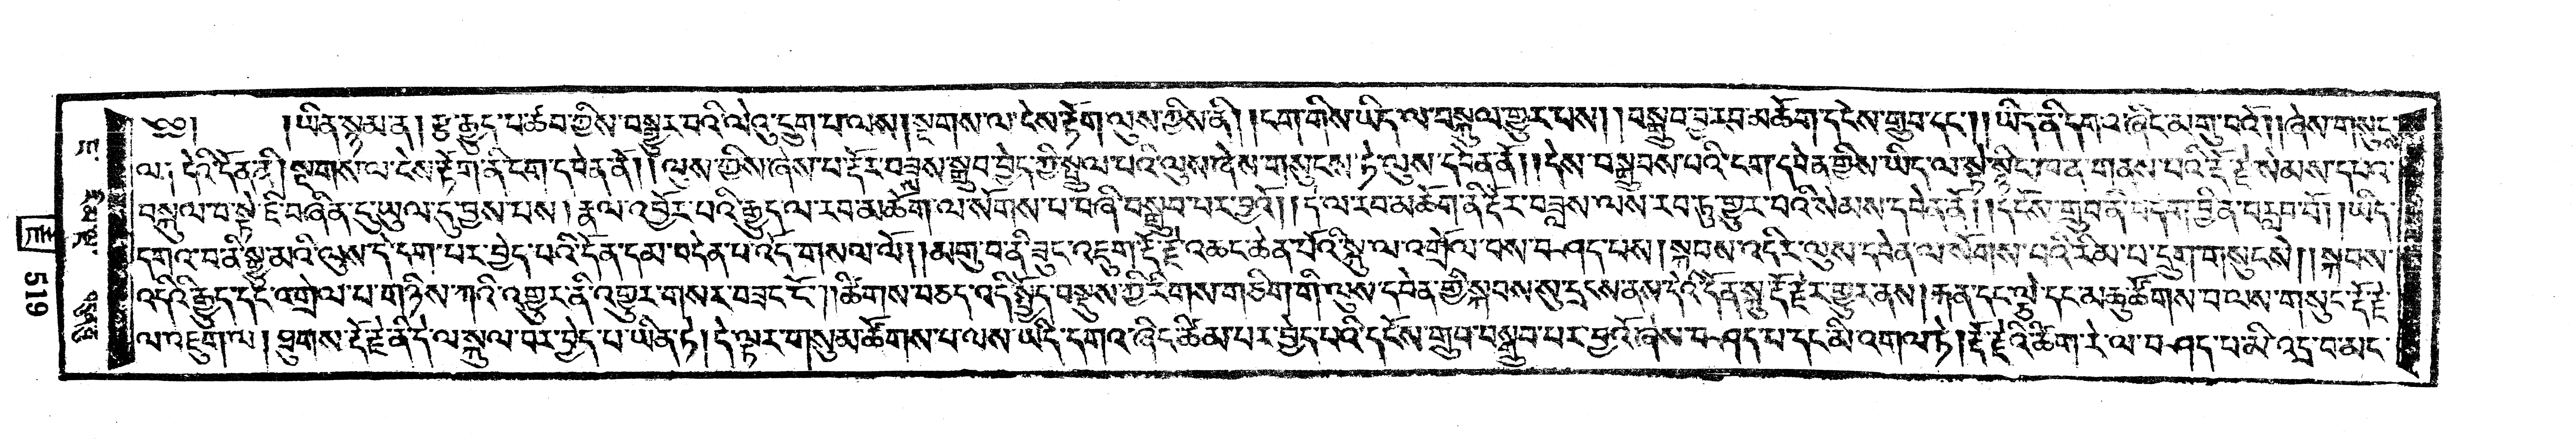༄༅། །ཡིན་སྙམ་ན། རྩ་རྒྱུད་པ་ཚབ་ཀྱིས་བསྒྱུར་བའི་ལེའུ་དྲུག་པ་ལས། སྔགས་ལ་ངེས་རྟོག་ལུས་ཀྱིས་ནི། །ངག་གིས་ཡིད་ལ་བསྐུལ་གྱུར་པས། །བསྒྲུབ་བྱ་རབ་མཆོག་དངོས་གྲུབ་དང་། །ཡིད་ནི་དགའ་ཞིང་མགུ་བའོ། །ཞེས་གསུངས་
ལ། དེའི་དོན་ནི། སྔགས་ལ་ངེས་རྟོག་ནི་ངག་དབེན་ནོ། །ལུས་ཀྱིས་ཞེས་པ་རྡོར་བཟླས་སྒྲུབ་བྱེད་ཀྱི་སྤྲུལ་པའི་ལུས་ཞེས་གསུངས་ཏེ་ལུས་དབེན་ནོ། །དེས་བསྒྲུབས་པའི་ངག་དབེན་གྱིས་ཡིད་ལ་སྟེ་སྙིང་ཁ་ན་གནས་པའི་རྡོ་རྗེ་སེམས་དཔའ་
བསྐུལ་བ་སྟེ་ཇི་བཞིན་དུ་ཡུལ་དུ་བྱས་པས། རྣལ་འབྱོར་པའི་རྒྱུད་ལ་རབ་མཆོག་ལ་སོགས་པ་བཞི་བསྒྲུབ་པར་བྱའོ། །དེ་ལ་རབ་མཆོག་ནི་རྡོར་བཟླས་ལས་རབ་ཏུ་གྱུར་པའི་སེམས་དབེན་ནོ། །དངོས་གྲུབ་ནི་བདག་བྱིན་བརླབ་བོ། །ཡིད་
དགའ་བ་ནི་སྒྱུ་མའི་ལུས་དེ་དག་པར་བྱེད་པའི་དོན་དམ་བདེན་པ་འོད་གསལ་ལོ། །མགུ་བ་ནི་ཟུང་འཇུག་རྡོ་རྗེ་འཆང་ཆེན་པོའི་སྐུ་ལ་འགྲོལ་བས་བཤད་པས། སྐབས་འདིར་ལུས་དབེན་ལ་སོགས་པའི་རིམ་པ་དྲུག་གསུངས་སོ། །སྐབས་
འདིའི་རྒྱུད་དང་འགྲེལ་པ་གཉིས་ཀའི་འགྱུར་ནི་འགྱུར་གསར་བཟང་ངོ། །ཚིགས་བཅད་འདི་སྤྱོད་བསྡུས་ཀྱི་རིགས་གཅིག་གི་ལུས་དབེན་གྱི་སྐབས་སུ་དྲངས་ནས་དེའི་དོན་སྐུ་རྡོ་རྗེར་གྱུར་ནས། རྐན་དང་ལྕེ་དང་མཆུ་ཚོགས་པ་ལས་གསུང་རྡོ་རྗེ་
ལ་འཇུག་ལ། ཐུགས་རྡོ་རྗེ་ནི་དེ་ལ་སྐུལ་བར་བྱེད་པ་ཡིན་ཏེ། དེ་ལྟར་གསུམ་ཚོགས་པ་ལས་ཡིད་དགའ་ཞིང་ཚིམ་པར་བྱེད་པའི་དངོས་གྲུབ་བསྒྲུབ་པར་བྱའོ་ཞེས་བཤད་པ་དང་མི་འགལ་ཏེ། རྡོ་རྗེའི་ཚིག་རེ་ལ་བཤད་པ་མི་འདྲ་བ་མང་